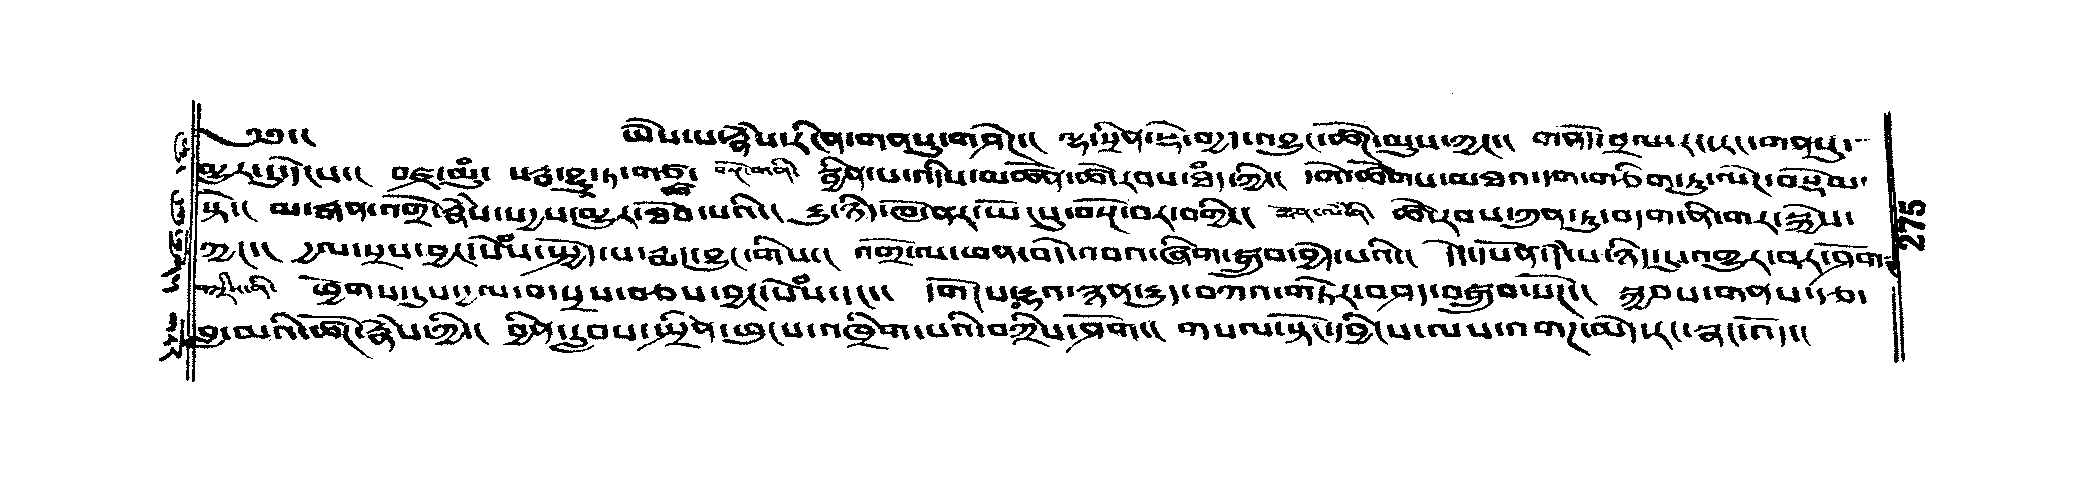ཡེ་ཤེས་པ་རྣམས་རང་བཞིན་གནས་སུ་གཤེགས། །ལྷ་སྲིན་སྡེ་བརྒྱད་འབྱུང་ཚོགས་མ་ལུས་ཀྱང་། །གནོད་བྲལ་རང་རང་གནས་སུ་
མྱུར་དུ་དེངས། །བཛྲ་མུཾ། སརྦ་བྷཱུ་ཏ་གཙྪ། བསྔོ་བ་ནི། སྦྱིན་པ་འདིས་མཚོན་ཚེ་རབས་ཐམས་ཅད་ཀྱི། །དགེ་ཚོགས་མཐའ་དག་གཅིག་ཏུ་ལེགས་བསྡོམ་
སྟེ། །མ་རྒན་འགྲོ་རྣམས་སངས་རྒྱས་མྱུར་ཐོབ་པའི། །རྒྱུ་ཉིད་ཁོ་ནར་ཡོངས་སུ་བསྔོ་བར་བགྱི། སྨོན་ལམ་ནི། ཚེ་རབས་ཀུན་ཏུ་བདག་ནི་གར་སྐྱེས་
ཀྱང་། །རྒྱལ་སྲས་བྱང་སེམས་སྤྱོད་པ་རྨད་བྱུང་གིས། །འགྲོ་ལ་ཕན་བདེ་འབའ་ཤིག་སྒྲུབ་བྱེད་པའི། །དེད་དཔོན་དམ་པ་ཉིད་དུ་འགྱུར་བར་ཤོག་
བཀྲ་ཤིས་ནི། ཕྱོགས་དུས་རྒྱལ་བ་སྲས་བཅས་བྱང་སེམས་དང་། ་དགོངས་བརྡའ་སྙན་རྒྱུད་བཀའ་གཏེར་བཤད་སྒྲུབ་སོགས། །སྐྱབས་གནས་རྩ་
བའི་བླ་མའི་ཚོགས་རྣམས་ཀྱི། །བྱིན་རླབས་སྤྲིན་ཕུངས་འཁྲིག་པའི་བཀྲ་ཤིས་ཤོག་གསལ་སྟོང་དབྱིངས་ལས་འགགས་མེད་རང་སྣང་འོད། །